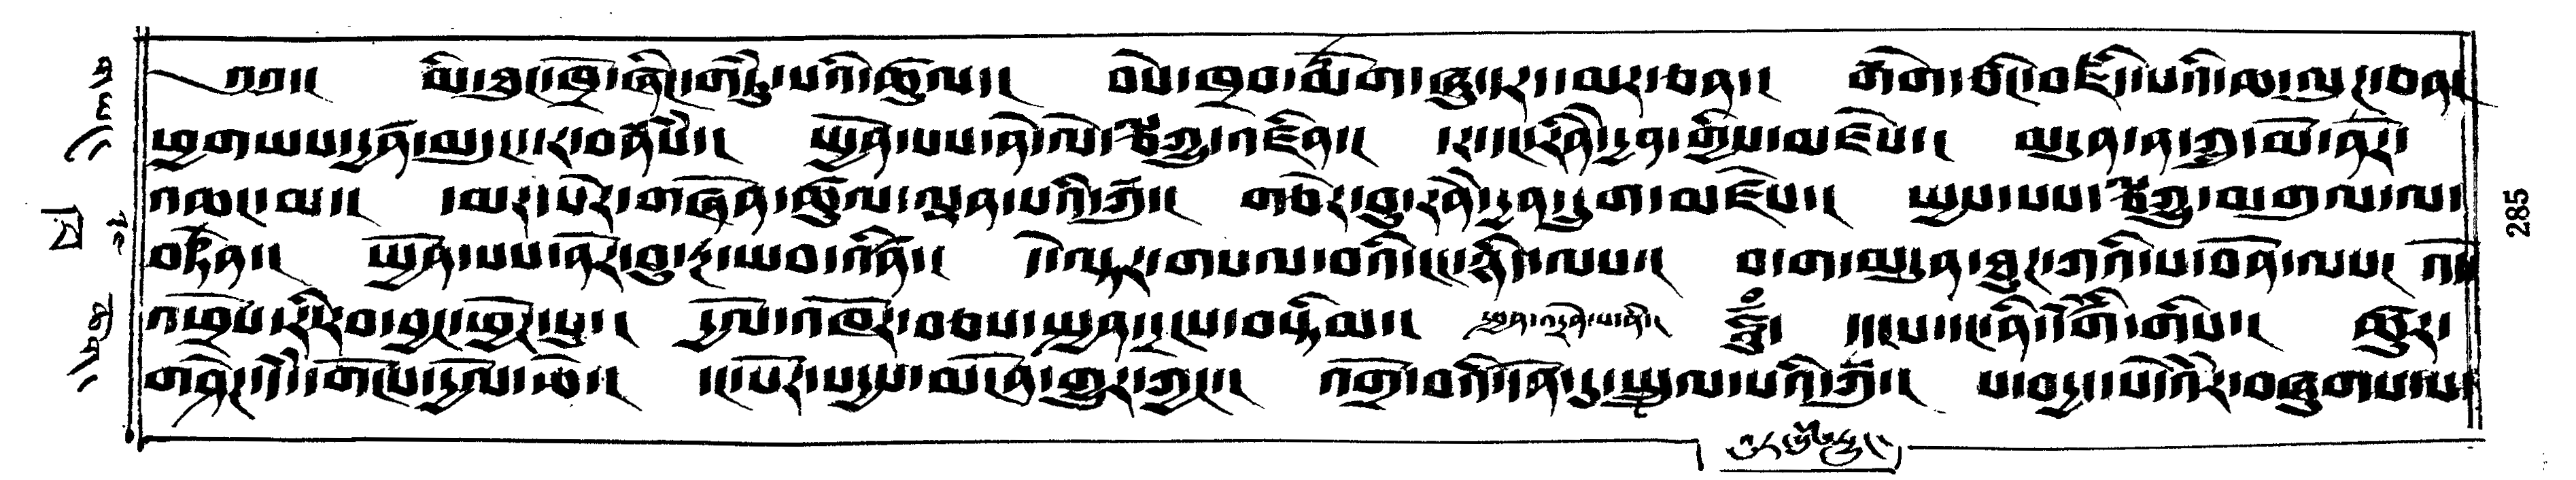།མིའུ་ཐུང་ཁྲོ་ཞིང་གཏུམ་པའི་ཚུལ། །བསེ་ཁྲབ་རྨོག་ཞུ་དར་དམར་ཅན། །སྒེག་ཅིང་བརྗིད་པའི་ཆ་ལུགས་ཅན། །
ཕྱག་གཡས་རྒྱས་མཚན་མདུང་དར་བསྣམས། །གཡོན་པས་ནེ་ལེ་ལྕགས་ཀྱུ་འཛིན། །དར་དང་རིན་ཆེན་རྒྱན་གྱིས་མཛེས། །མདུན་ན་ཀློུ་་ནོར་
འཆང་མ། །དམར་སེར་གཞོན་ཚུལ་ལྡན་པའི་སྐུ། །གཅེར་བུ་རིན་ཆེན་རྒྱན་དྲུག་མཛེས། །གཡས་པས་ལྕགས་ཀྱུ་མགུལ་ལ་
བརྟེན། །གཡོན་པས་ནོར་བུ་རྔ་ཡབ་འཛིན། །དེ་ལྟར་གསལ་བའི་ངང་ཉིད་ལས། །བདག་མདུན་ཐུགས་ཀའི་ས་བོན་ལས། འོད་
འཕྲོས་རི་རབ་བྱང་ཕྱོགས་དུ། །རྒྱལ་པོ་འཁོར་བཅས་སྤྱན་དྲངས་བསྟིམ། སྤྱན་འདྲེན་པ་ནི། ཧཱུྃ། དད་པ་དང་ནི་དམ་ཚིག་གིས། །ཚུར་
གཤེགས་དམ་དགོངས་རྒྱལ་པོ་ཆེ། །དང་པོའི་སངས་རྒྱས་མངོན་གྱུར་ཀྱང་། །འགྲོ་བའི་དོན་དུ་སྤྲུལ་པའི་སྐུ། །ས་བརྒྱད་སེམས་དཔར་བཞུགས་པ་